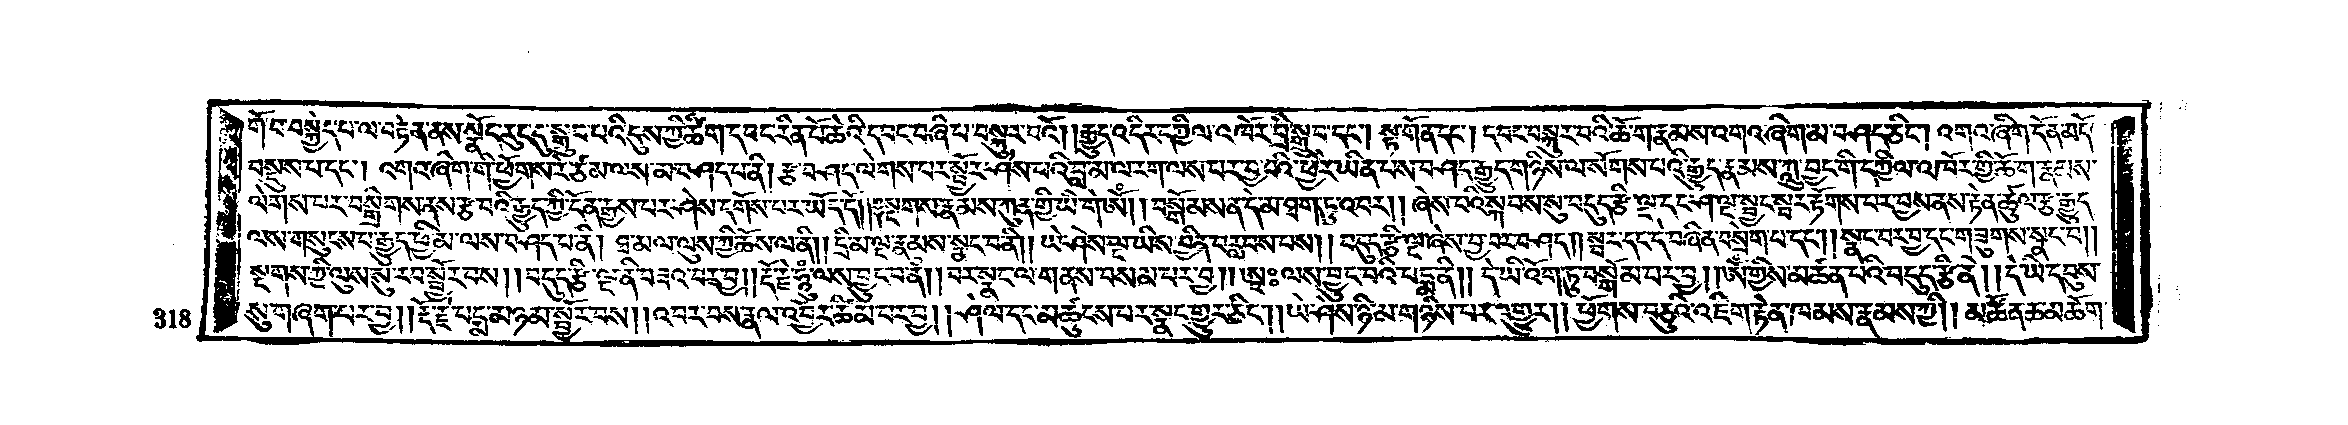གོ་བ་བསྐྱེད་པ་ལ་བརྟེན་ནས་སྣོད་རུང་དུ་སྒྲུབ་པའི་དུས་ཀྱི་ཚིག་དབང་རིན་པོ་ཆེའི་དབང་བཞི་པ་བསྐུར་བའོ། །རྒྱུད་འདིར་དཀྱིལ་འཁོར་བྲི་སྒྲུབ་དང་། སྟ་གོན་དང་། དབང་བསྐུར་བའི་ཆོ་ག་རྣམས་འགའ་ཞིག་མ་བཤད་ཅིང་། འགའ་ཞིག་དོན་མདོར་
བསྡུས་པ་དང་། འགའ་ཞིག་གི་ཕྱོགས་རེ་ཙམ་ལས་མ་བཤད་པ་ནི། རྩ་བཤད་ལེགས་པར་སྦྱོར་ཤེས་པའི་བླ་མ་ལ་རག་ལས་པར་བྱ་བའི་ཕྱིར་ཡིན་པས་བཤད་རྒྱུད་གཉིས་ལ་སོགས་པའི་རྒྱུད་རྣམས་ཀླུ་བྱང་གི་དཀྱིལ་འཁོར་གྱི་ཆོ་ག་རྣམས་
ལེགས་པར་བསྒྲིགས་ནས་རྩ་བའི་རྒྱུད་ཀྱི་དོན་རྒྱས་པར་ཤེས་དགོས་པར་ཡོད་དོ།། ༈ སྔགས་རྣམས་ཀུན་གྱི་ཡི་གེ་ཨོཾ། །བསྒོམས་ན་དེ་མ་ཐག་ཏུ་འབར། །ཞེས་པའི་སྐབས་སུ་བདུད་རྩི་ལྔ་དང་ཤ་ལྔ་སྦྱང་སྦར་རྟོགས་པར་བྱས་ནས་རྟེན་ཚུལ་རྩ་རྒྱུད་
ལས་གསུངས་པ་རྒྱུད་ཕྱི་མ་ལས་བཤད་པ་ནི། ཐ་མལ་ལུས་ཀྱི་ཆོས་ལ་ནི། །དྲི་མ་ལྔ་རྣམས་སྣང་བ་ནི། །ཡེ་ཤེས་ལྔ་ཡིས་བྱིན་བརླབས་པས། །བདུད་རྩི་ལྔ་ཞེས་བྱ་བར་བཤད། །སྤང་དང་དེ་བཞིན་བསྲེག་པ་དང་། །སྣང་བར་བྱ་དང་གཟུགས་སྣང་བ། །
སྔགས་ཀྱི་ལུས་སུ་རབ་སྦྱོར་བས། །བདུད་རྩི་ལྔ་ནི་བཟའ་བར་བྱ། །རྡོ་རྗེ་ཧཱུཾ་ལས་བྱུང་བ་ནི། །བར་སྣང་ལ་གནས་བསམ་པར་བྱ། །ཨཱཿ ལས་བྱུང་བའི་པདམ་ནི། །དེ་ཡི་འོག་ཏུ་བསྒོམ་པར་བྱ། །ཨོཾ་གྱིས་མཚན་པའི་བདུད་རྩི་ནི། །དེ་ཡི་དབུས་
སུ་གཞག་པར་བྱ། །རྡོ་རྗེ་པདམ་མཉམ་སྦྱོར་བས། །འབར་བས་རྣལ་འབྱོར་ཚིམ་པར་བྱ། །ཤེལ་དང་མཚུངས་པར་སྣང་གྱུར་ཅིང་། །ཡེ་ཤེས་ཉི་མ་གཉིས་པར་འགྱུར། །ཕྱོགས་བུའི་འཇིག་རྟེན་ཁམས་རྣམས་ཀྱི། །མཚོན་ཆ་མཆོག་